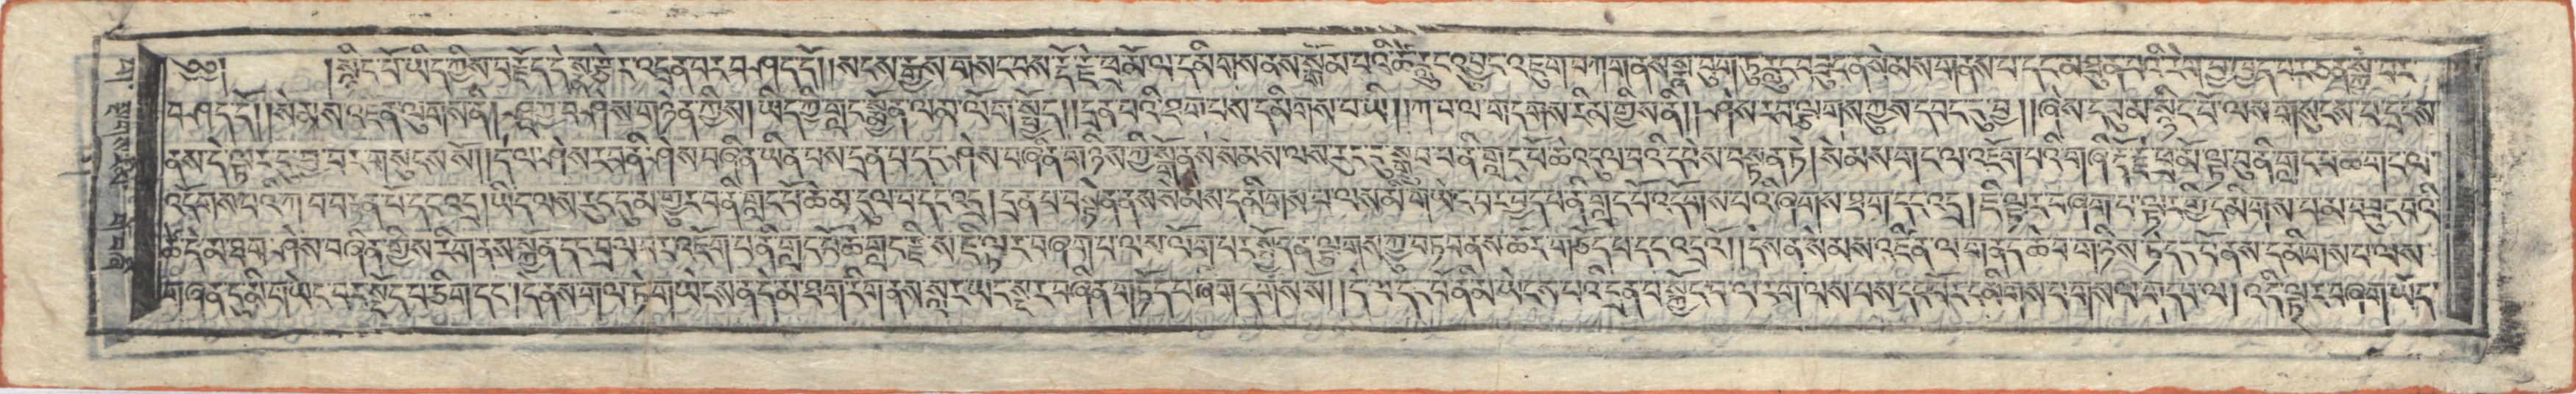༄༅། །སྙིང་པོ་ཡིད་ཀྱིས་བརྗོད་དེ་སྣ་རྩེར་འདྲེན་པར་བཤད་དོ། །སངས་རྒྱས་གསང་བས་རྡོ་རྗེ་ཕྲ་མོ་ལ་དམིགས་ནས་སྒོམ་པའི་ཚེ་རླུང་འབྱུང་འཇུག་བཀག་ནས་སྣ་བུག་ཏུ་རླུང་བཟུང་ན་སེམས་གནས་པ་དང་མཐུན་པའི་རེག་བྱ་ཁྱད་པར་ཅན་སྐྱེ་བར་
བཤད་དོ། །སེམས་འཛིན་ལུགས་ནི། ཤཱཀྱ་བཤེས་གཉེན་ཀྱིས། ཡིད་ཀྱི་གླང་སྨྱོན་ལམ་ལོག་སྤྱོད། །དྲན་པའི་ཐག་པས་དམིགས་པ་ཡི། །ཀ་བ་ལ་གདགས་རིམ་གྱིས་ནི། །ཤེས་རབ་ལྕགས་ཀྱུས་དབང་དུ་བྱ། །ཞེས་དབུ་མ་སྙིང་པོ་ལས་གསུངས་པ་དྲངས་
ནས་དེ་ལྟར་དུ་བྱ་བར་གསུངས་སོ། །དེ་ལ་ཤེས་རབ་ནི་ཤེས་བཞིན་ཡིན་པས་དྲན་པ་དང་ཤེས་བཞིན་གཉིས་ཀྱི་སྒོ་ནས་སེམས་ལས་རུང་དུ་སྒྲུབ་པ་ནི་གླང་པོ་ཆེ་འདུལ་བའི་དཔེས་བསྟན་ཏེ། སེམས་གང་ལ་འཇོག་པའི་གཞི་རྡོ་རྗེ་ཕྲ་མོ་ལྟ་བུ་ནི་གླང་པ་ཆ་གང་ལ་
འདོགས་པའི་ཀ་བ་བརྟན་པོ་དང་འདྲ། ཡིད་ལས་རུང་དུ་མ་གྱུར་བ་ནི་གླང་པོ་ཆེ་མ་དུལ་བ་དང་འདྲ། དྲན་པ་བསྟེན་ནས་སེམས་དམིགས་པ་ལས་མི་གཡེང་བར་བྱེད་པ་ནི་གླང་པོ་འདོགས་པའི་ཞགས་ཐག་དང་འདྲ། ཇི་ལྟར་བཞག་པ་ལྟར་གྱི་དམིགས་པ་མ་བཟུང་བའི་
ཚེ་དེ་མ་ཐག་ཤེས་བཞིན་གྱིས་རིག་ནས་སྐྱོན་དང་བྲལ་བར་འཇོག་པ་ནི་གླང་པོ་ཆེ་གླང་རྫི་ས་ཇི་ལྟར་བཞག་པ་ལས་ལོག་པར་སྤྱོད་ན་ལྕགས་ཀྱུ་བཏབ་ནས་ཚར་གཅོད་པ་དང་འདྲའོ། །དེས་ན་སེམས་འཛིན་ལ་གནད་ཆེ་བ་གཉིས་ཏེ་དང་པོ་ནས་དམིགས་པ་ལས་
གཞན་དུ་མི་གཡེང་བར་སྡོད་པ་ཅིག་དང་། དེ་ནས་གལ་ཏེ་གཡེངས་ན་དེ་མ་ཐག་རིག་ནས་སླར་ཡང་སྔར་བཞིན་གཏོད་པ་ཞིག་དགོས་སོ། །དེ་ལ་དང་པོ་ནི་མ་ཡེངས་པའི་དྲན་པ་སྐྱོང་བ་ལ་རག་ལས་པས་དང་པོར་དམིགས་པ་གསལ་གདབ་ལ། འདི་ལྟར་བཞག་ཡོད་